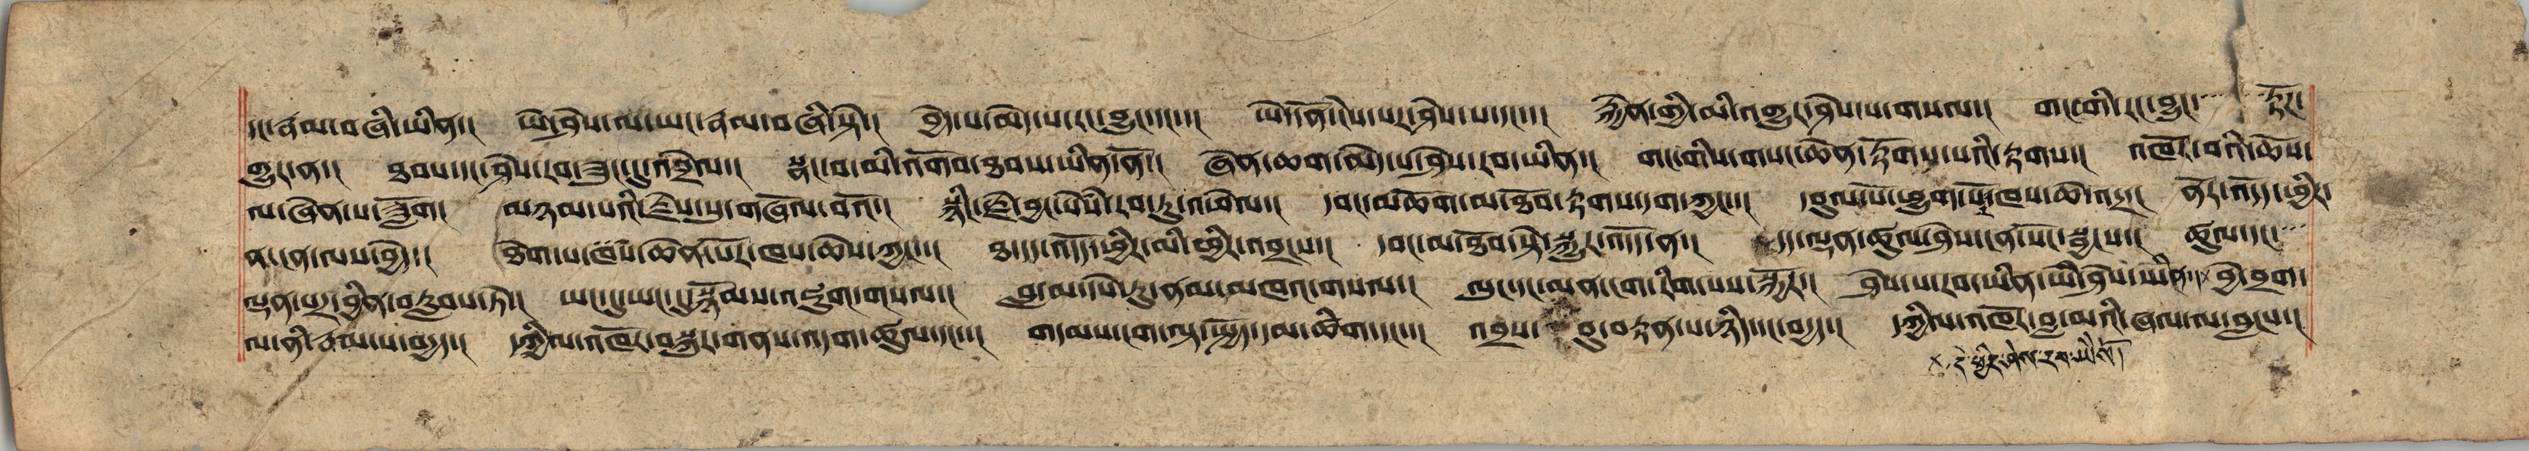དང་རྣམ་བཞི་ཡིན་། ཡེ་ཤེས་ལ་ཡང་རྣམ་བཞི་སྟེ་། བྱེད་པ་མེད་པ་རང་བྱུང་དང་་། ཡེ་དོན་ངེས་པར་ཤེས་པ་དང་་། རྐྱེན་གྱི་མི་འགྱུར་ཤེས་པ་གསལ་། གང་གི་རང་བྱུང་ རྟོཌ་
གྱུར་ན་། ཐབས་དང་ཤེས་རབ་ཟུང་དུ་འབྲེལ་། སྣང་བ་མི་འགོབ་ཐབས་ཡིན་ནོ་། ཞེན་ཆག་མེད་པ་ཤེས་རབ་ཡིན་། གང་གིས་གསང་ཆེན་རྟོགས་པའི་རྟགས་། འཁོར་བའི་ཆོས་
ལ་ཞེན་པ་ཟློག། མཉམ་པའི་རྗེས་སུ་གཞོལ་བའོ་། སྙིང་རྗེ་བྱང་སེཾས་རབ་ཏུ་འཕེལ་། དབང་མཆོག་མ་ཐོབ་རྟགས་དག་ཀྱང་་། དབུལ་པོ་ཕྱུག་པོ་ཁས་ཆེ་འདྲ་། ནོར་འདོད་ཕྱིར་
ན་ངན་ལས་བྱེད་། ཐེགཔ་ཁས་ཆེན་པོར་ཁས་ཆེས་ཀྱང་་། ཐ་དད་འདོད་ཕྱིར་མི་ཕྱིར་འབྲངས་། དབང་མ་ཐོབ་སྟེ་སྐྱུར་འདོད་ན་། དད་ལྡན་ཚུལ་ཤེས་ངན་སོང་སྦྱངས་། ཚུལ་དང་
ལྡན་པར་བྱིན་བརླབས་ཏེ་། ཡང་དུ་ཡང་དུ་སྙོམས་འཇུག་གསལ་། བླ་མ་དཔེ་རུ་ནམ་མཁའ་གསལ་། ལུང་དང་མན་ངག་རིག་པས་སྐྱོར་། ཤེས་པ་རབ་ཡིན་ཡེ་ཤེས་ཡིན་། བྱེ་བྲག་
ལ་ནི་རྣམ་པ་བདྱད་། དཀྱིལ་འཁོར་བསྐུར་གནས་འདག་ཚུལ་དང་་། གདམས་ངག་ལྟ་སྤྱོད་དམ་ཚིག་དང་་། འབྲས་བུ་བརྟན་པ་ཉིད་དང་བདྱད་། དཀྱིལ་འཁོར་བླ་མའི་ཞལ་ལ་བླངས་།